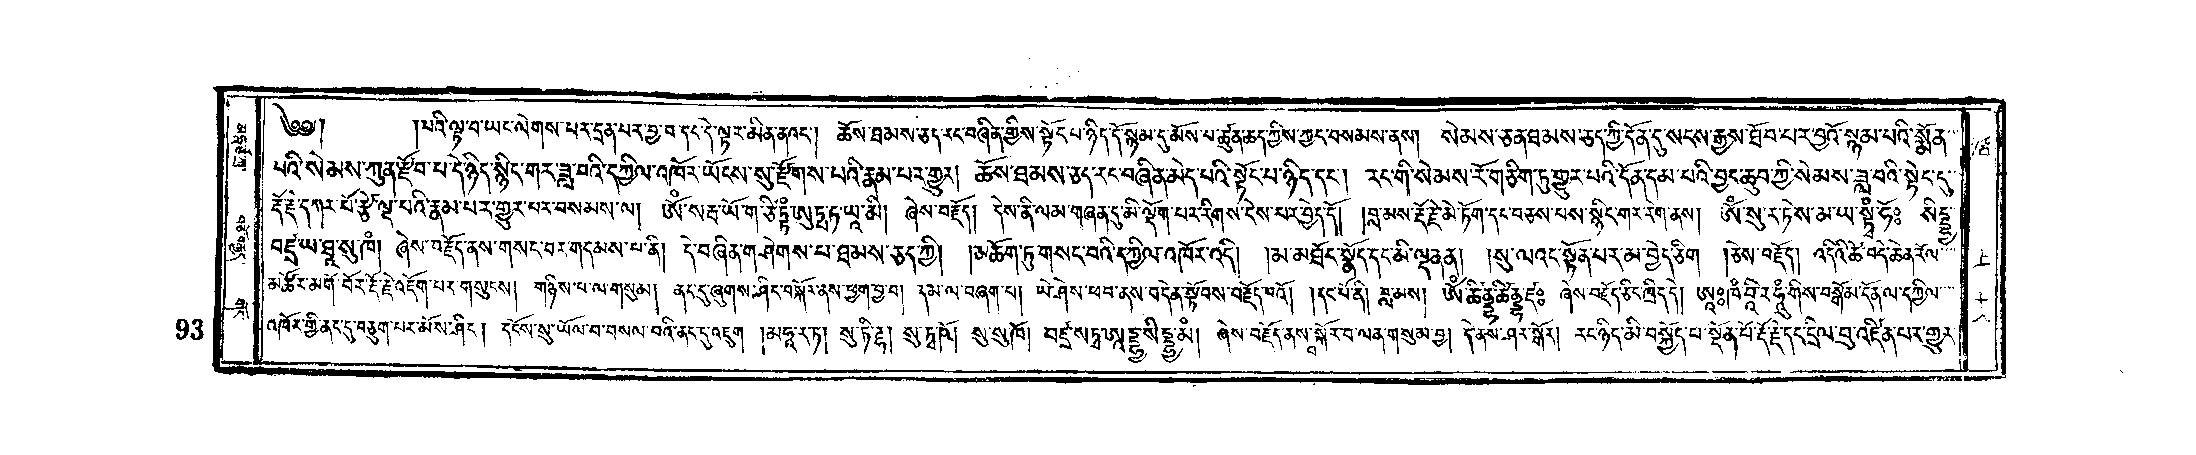༄༅། །པའི་ལྟ་བ་ཡང་ལེགས་པར་དྲན་པར་བྱ་བ་དང་དེ་ལྟར་མིན་ནའང་། ཆོས་ཐམས་ཅད་རང་བཞིན་གྱིས་སྟོང་པ་ཉིད་དོ་སྙམ་དུ་མོས་པ་ཚུན་ཆད་ཀྱིས་ཀྱང་བསམས་ནས། སེམས་ཅན་ཐམས་ཅད་ཀྱི་དོན་དུ་སངས་རྒྱས་ཐོབ་པར་བྱའོ་སྙམ་པའི་སྨོན་
པའི་སེམས་ཀུན་རྫོབ་པ་དེ་ཉིད་སྙིང་གར་ཟླ་བའི་དཀྱིལ་འཁོར་ཡོངས་སུ་རྫོགས་པའི་རྣམ་པར་གྱུར། ཆོས་ཐམས་ཅད་རང་བཞིན་མེད་པའི་སྟོང་པ་ཉིད་དང་། རང་གི་སེམས་རོ་གཅིག་ཏུ་གྱུར་པའི་དོན་དམ་པའི་བྱང་ཆུབ་ཀྱི་སེམས་ཟླ་བའི་སྟེང་དུ་
རྡོ་རྗེ་དཀར་པོ་རྩེ་ལྔ་པའི་རྣམ་པར་གྱུར་པར་བསམས་ལ། ཨོཾ་སརྦ་ཡོ་ག་ཙིཏྟཾ་ཨུཏྤ་ཏ་ཡཱ་མི། ཞེས་བརྗོད། དེས་ནི་ལམ་གཞན་དུ་མི་ལྡོག་པར་རིགས་ངེས་པར་བྱེད་དོ། །བླ་མས་རྡོ་རྗེ་མེ་ཏོག་དང་བཅས་པས་སྙིང་གར་རེག་ནས། ཨོཾ་སུ་ར་ཏེ་ས་མ་ཡ་སྟྭཾ་ཧོཿ སིདྡྷྱ་
བཛྲ་ཡ་ཐཱ་སུ་ཁཾ། ཞེས་བརྗོད་ནས་གསང་བར་གདམས་པ་ནི། དེ་བཞིན་གཤེགས་པ་ཐམས་ཅད་ཀྱི། །མཆོག་ཏུ་གསང་བའི་དཀྱིལ་འཁོར་འདི། །མ་མཐོང་སྣོད་དང་མི་ལྡན་ན། །སུ་ལའང་སྟོན་པར་མ་བྱེད་ཅིག །ཅེས་བརྗོད། འདིའི་ཚེ་བདེ་ཆེན་རོལ་
མཚོར་མགོ་བོར་རྡོ་རྗེ་འཇོག་པར་གསུངས། གཉིས་པ་ལ་གསུམ། ནང་དུ་ཞུགས་ཤིང་བསྐོར་ནས་ཕྱག་བྱ་བ། དམ་ལ་བཞག་པ། ཡེ་ཤེས་ཕབ་ནས་བདེན་སྟོབས་བརྗོད་པའོ། །དང་པོ་ནི། བླ་མས། ཨོཾ་ཚིནྡྷ་ཚིནྡྷ་ཛཿ ཞེས་བརྗོད་ཅིང་ཁྲིད་དེ། ཨཱཿ ཁཾ་བཱི་ར་ཧཱུཾ་གིས་བསྒོམ་དོན་ལ་དཀྱིལ་
འཁོར་གྱི་ནང་དུ་བཅུག་པར་མོས་ཤིང་། དངོས་སུ་ཡོལ་བ་བསལ་བའི་ནང་དུ་འཇུག །མཧཱ་ར་ཏ། སུ་ཏི་ཌྷ། སུ་ཏྭ་ཥོ། སུ་སུ་ཁོ། བཛྲ་སཏྭ་ཨཱ་དྡྷྱ་སིདྡྷྱ་མཾ། ཞེས་བརྗོད་ནས་བསྐོར་བ་ལན་གསུམ་བྱ། དེ་ནས་ཤར་སྒོར། རང་ཉིད་མི་བསྐྱོད་པ་སྔོན་པོ་རྡོ་རྗེ་དང་དྲིལ་བུ་འཛིན་པར་གྱུར་